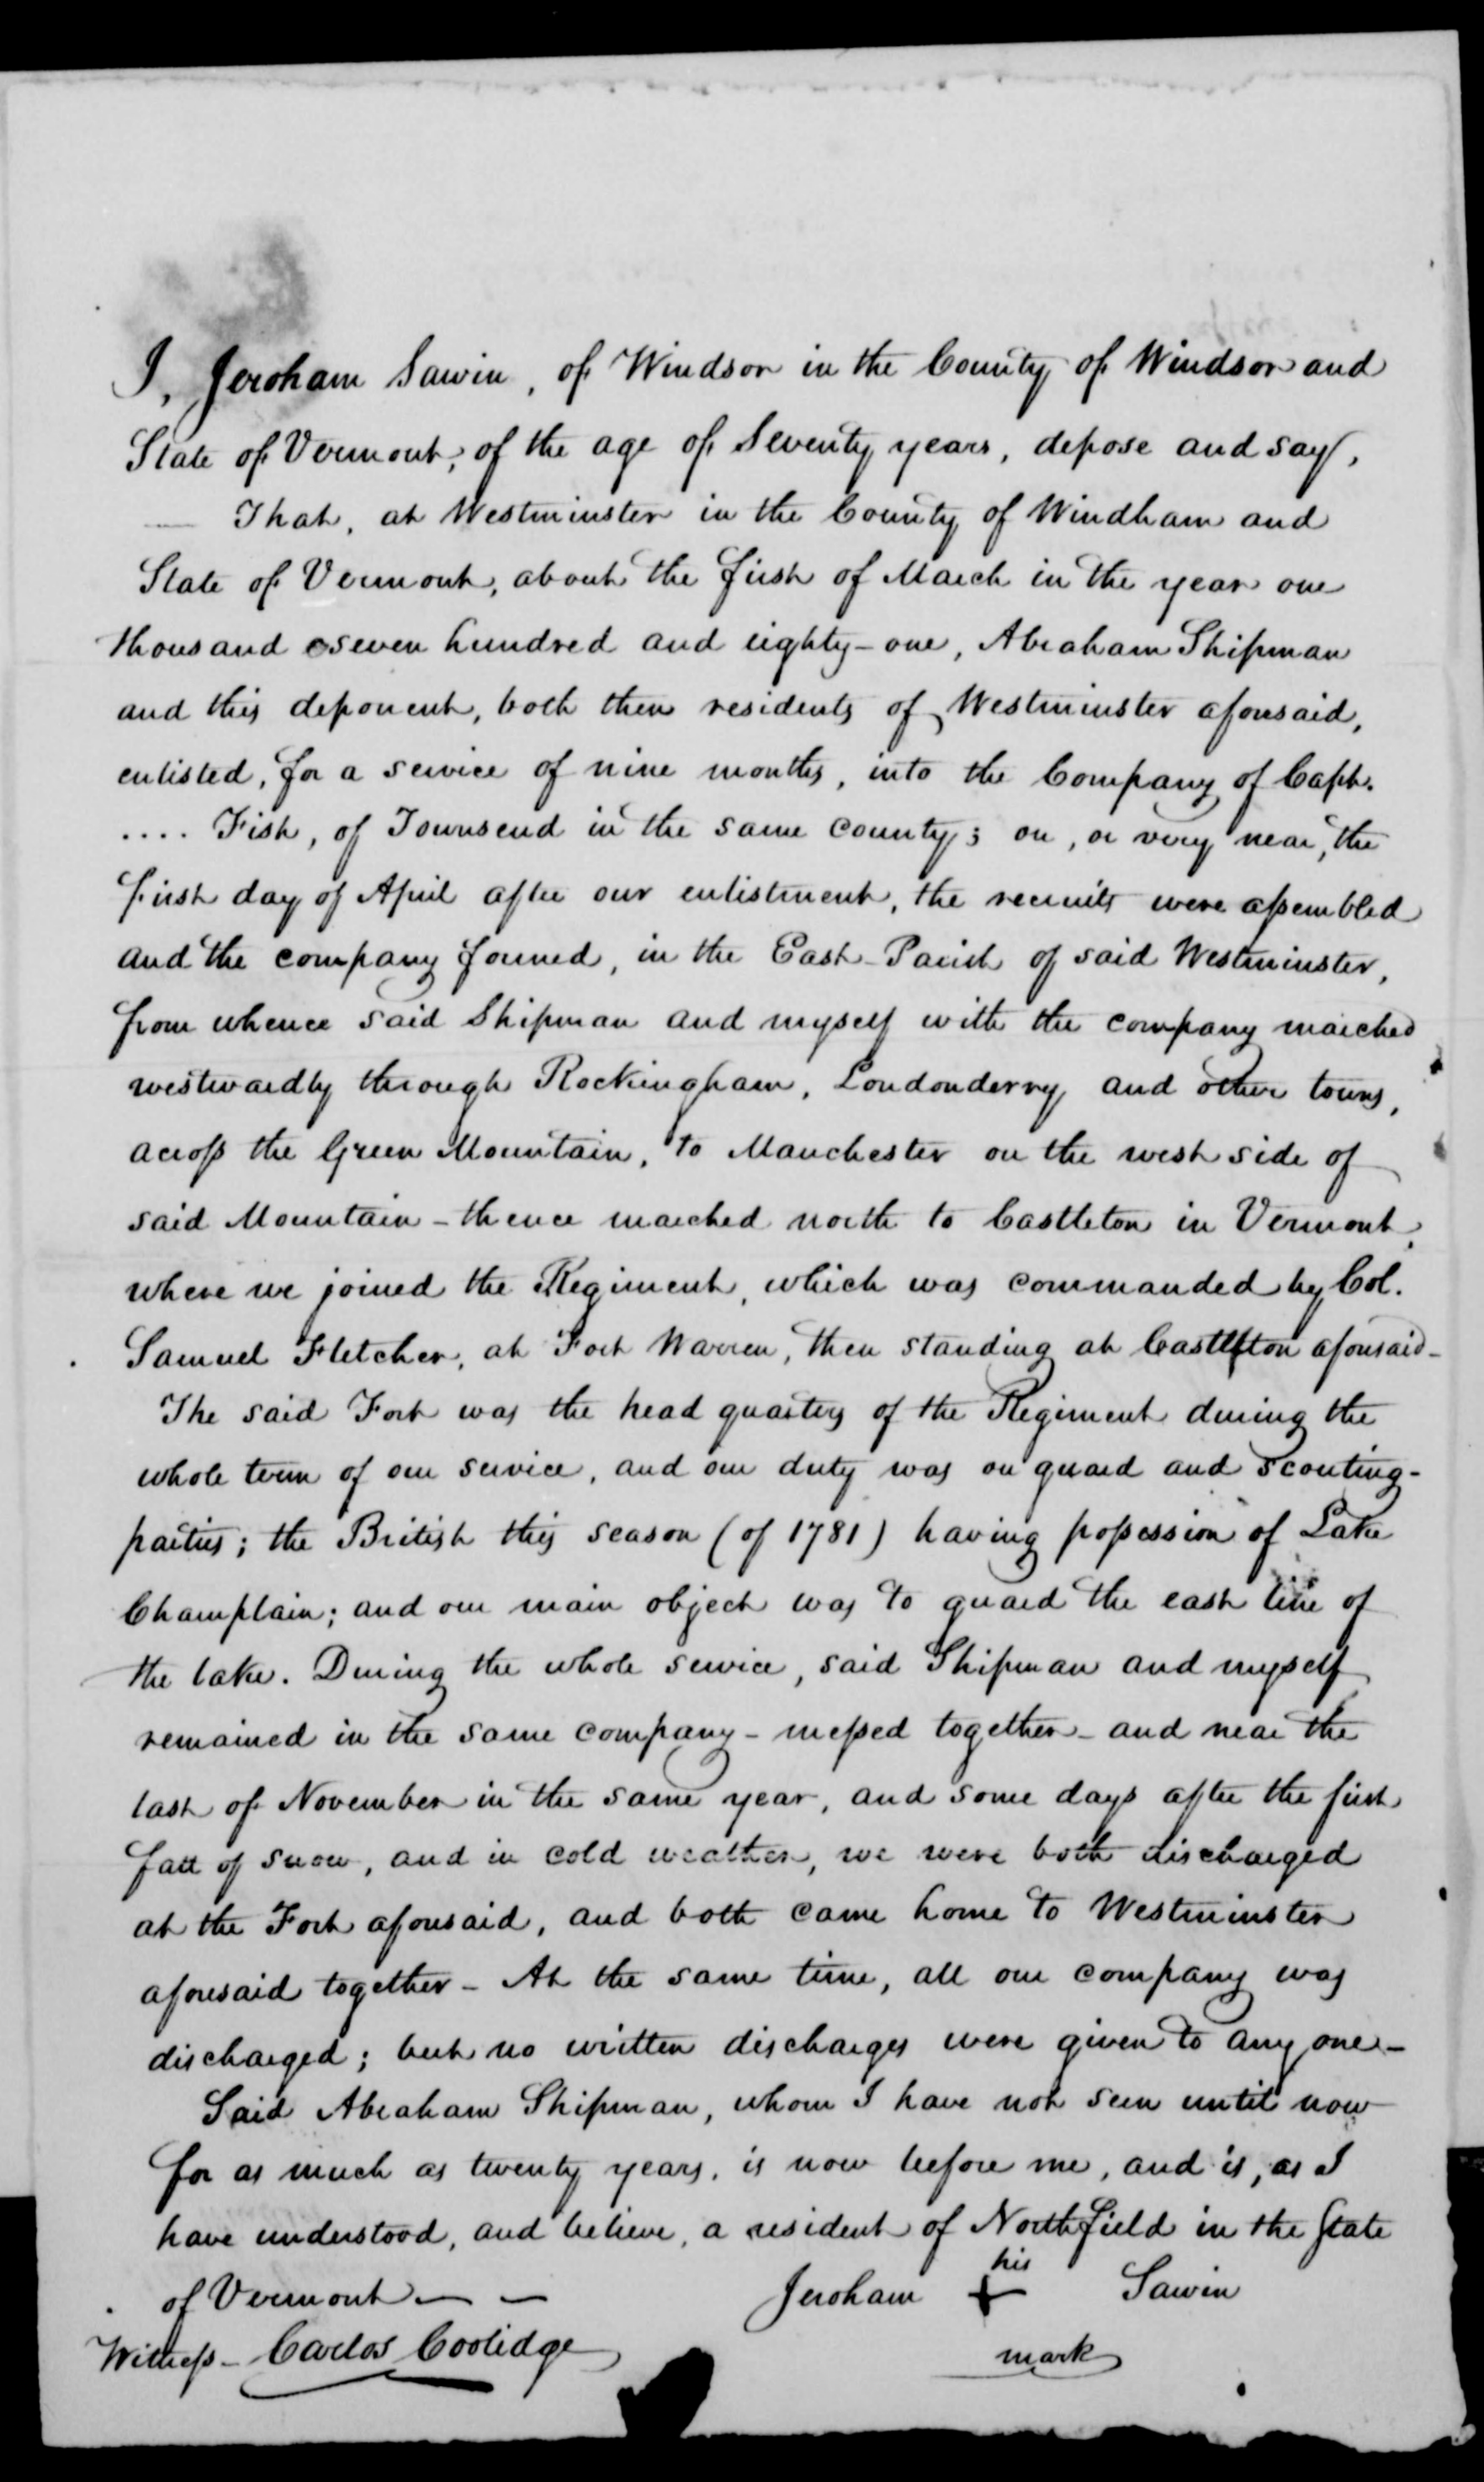I, Jeroham Sawin of Windsor in the County of Windsor and State of Vermont, of the age of Seventy years, depose and say, - That at Westminster in the County of Windham and State of Vermont, about the first of March in the year one thousand seven hundred and eighty-one, Abraham Shipman and this deponent, both then residents of Westminster aforesaid, enlisted for a service of nine months, into the Company of Captain ___ Fish, of Townsend in the same County, and on, or very near, the first day of April after our enlistment, the recruits were assembled and the company formed, in the East Parish of said Westminster, from whence said Shipman and myself with the company marched westwardly through Rockingham, Londonderry and other towns across the Green Mountain, to Manchester on the west side of said Mountain-- thence marched North to Castleton in Vermont where we joined the Regiment, which was commanded by Colonel Samuel Fletcher at Fort Warren, then standing at Castleton aforesaid. The said Fort was the head quarters of the Regiment during the whole term of our service, and our duty was on guard and scouting parties; the British this season (of 1781) having possession of Lake Champlain, and our main object was to guard the east line of the lake. During the whole service, said Shipman and myself remained in the same company-- messed together, and near the last of November in the same year, and some days after the first fall of snow, and in cold weather, we were both discharged at the Fort aforesaid, and both came home to Westminster aforesaid together. At the same time, all our company was discharged; but no written discharges were given to any one. 

Said Abraham Shipman, whom I have not seen until now for as much as twenty years, is now before me, and is, as I have understood, and believe, a resident of Northfield in the State of Vermont - -                    his
                        Jeroham   X     Sawin
                                        mark
Witness-- Carlos Coolidge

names: [BLANK] Fisk; Jeroham Sawin; Jeroham Sawin; [BLANK] Shipman; Carlos Coolidge; Samuel Fletcher; Abraham Shipman; Abraham Shipman; [BLANK] Shipman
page: 11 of 13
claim: survivor's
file: S. 15977, for Abraham Shipman, Vermont